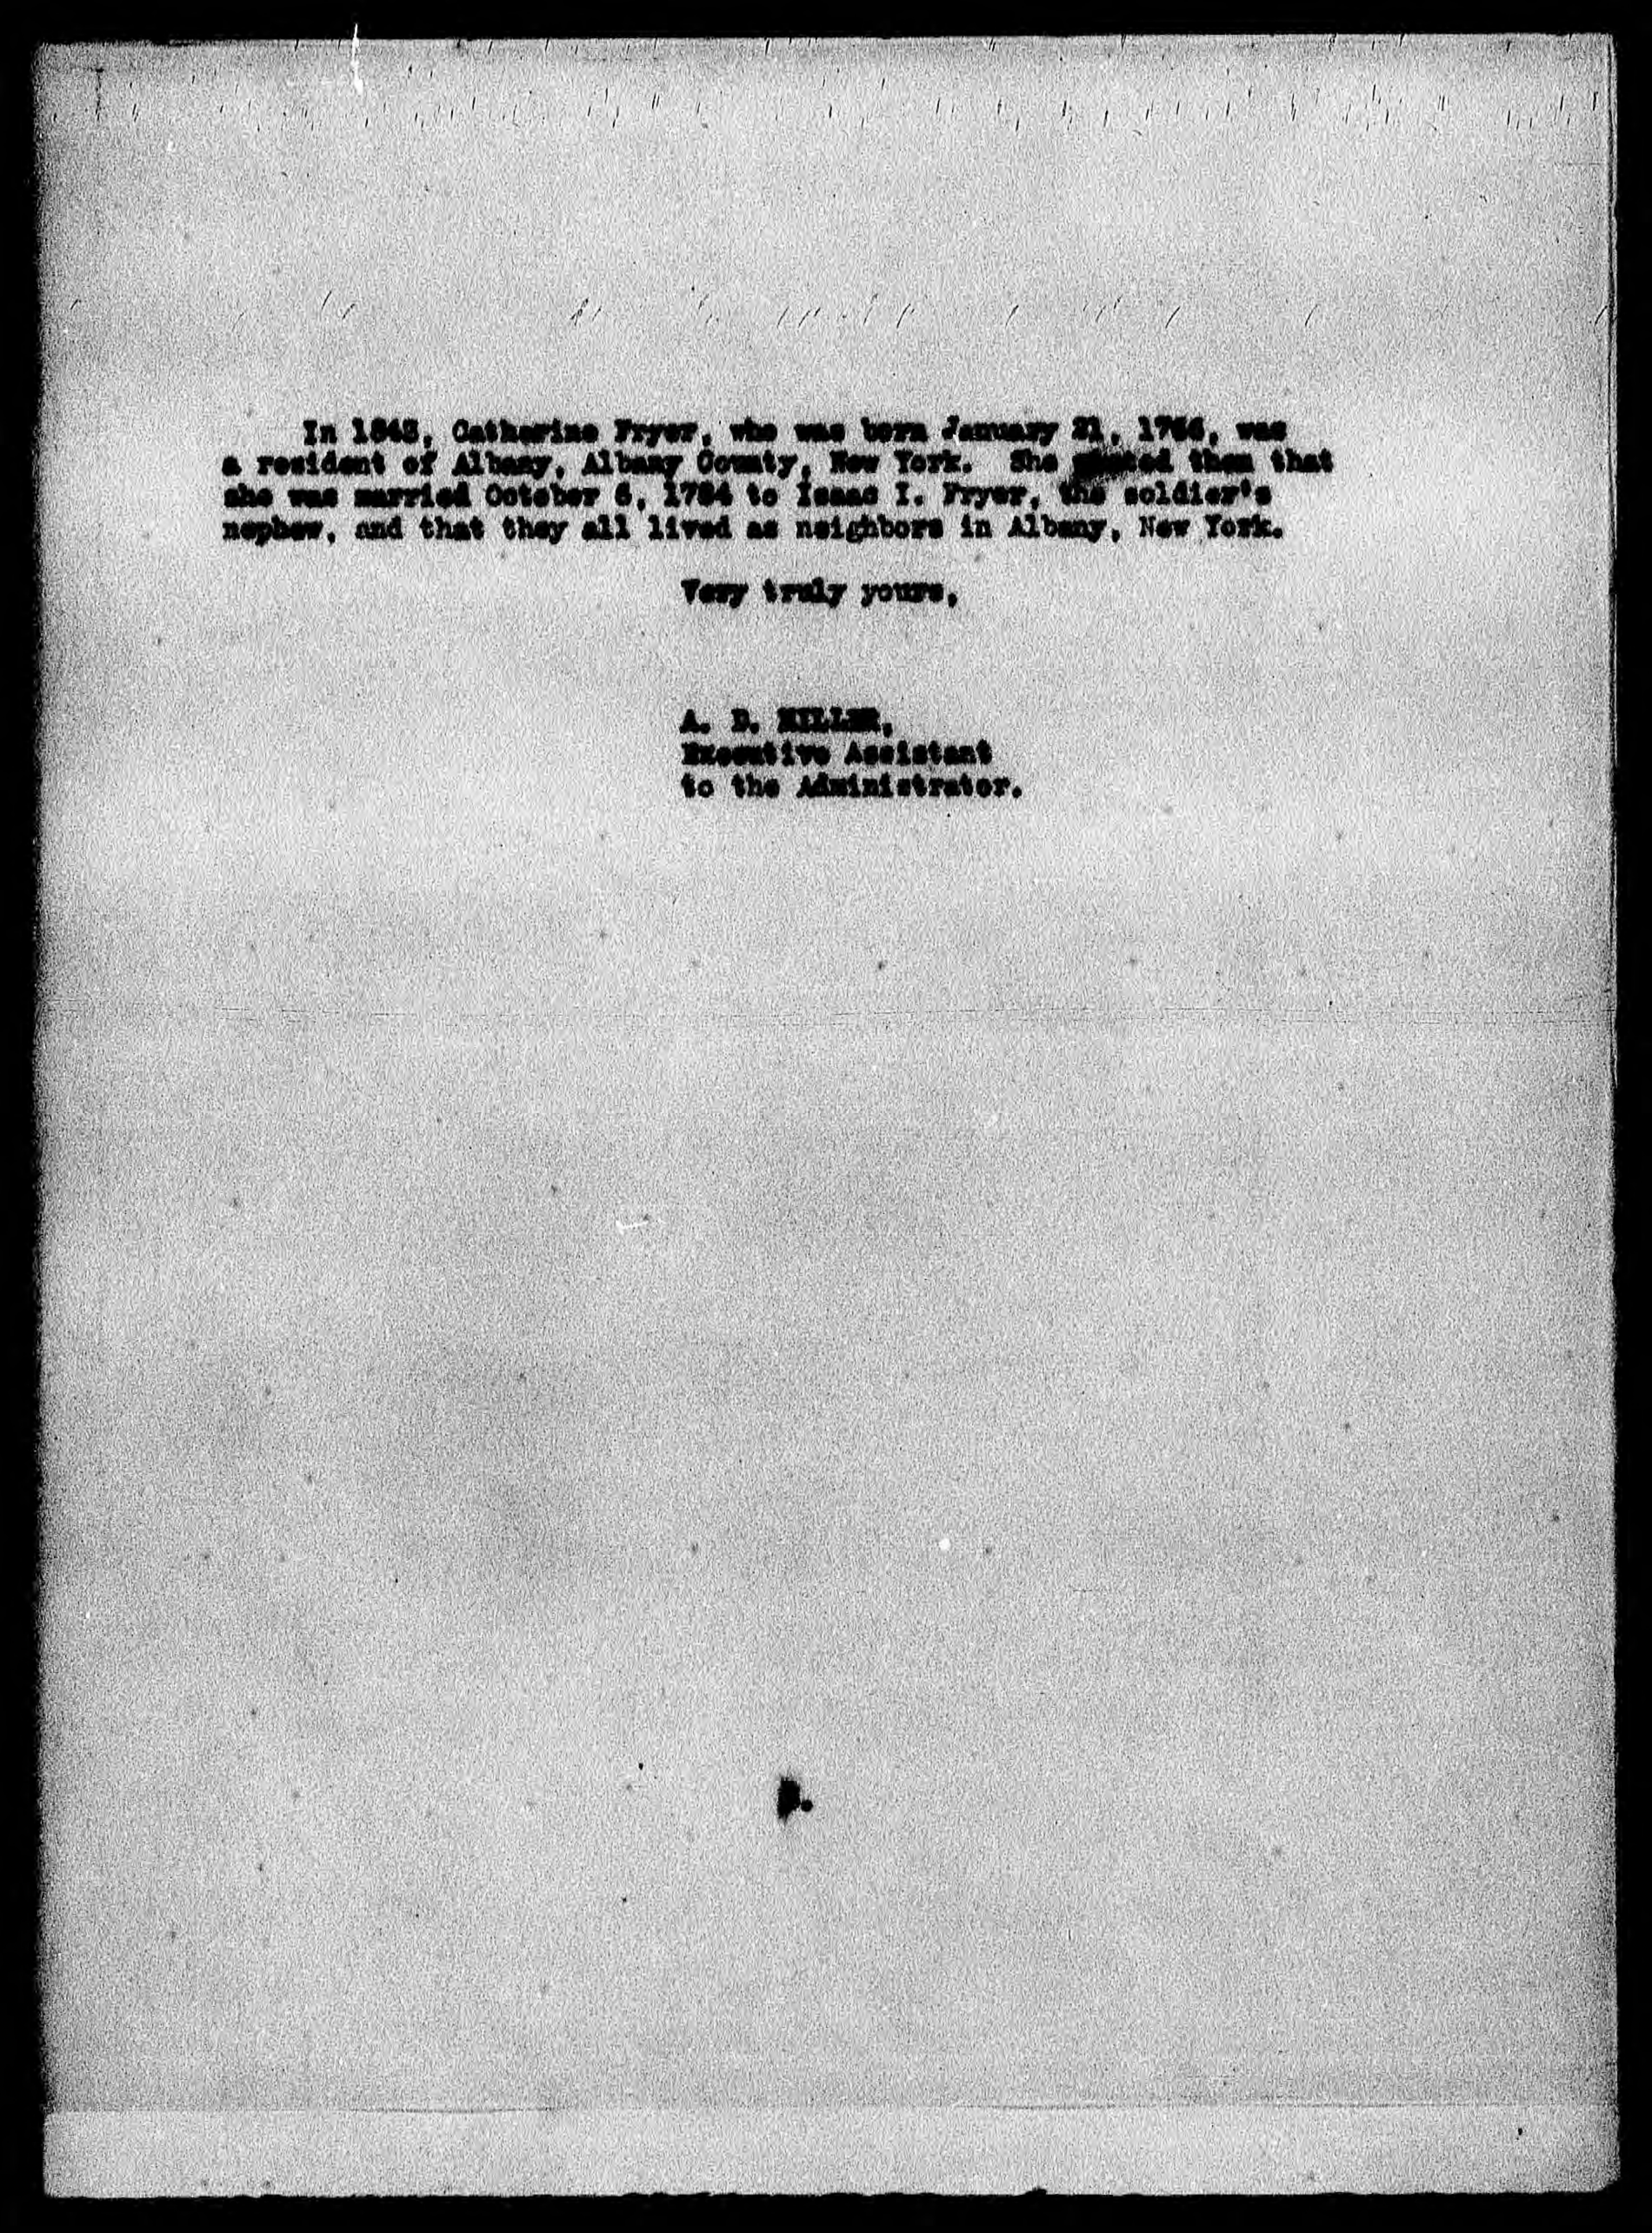In 1848, Catherine Fryer, who was born January 21, 1766, was a resident of Albany, Albany County, New York. She cited them that she was married October 6, 1784 to Isaac I. Fryer, the soldier's nephew, and that they all lived as neighbors in Albany, New York.

Very truly yours, 

A. B. Miller.
Executive Assistant
to the Administrator.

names: A B Hiller, Catharine Fryer, Isaac I Fryer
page: 20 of 48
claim: widow's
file: W. 19788, Jacob W Hilton, New York